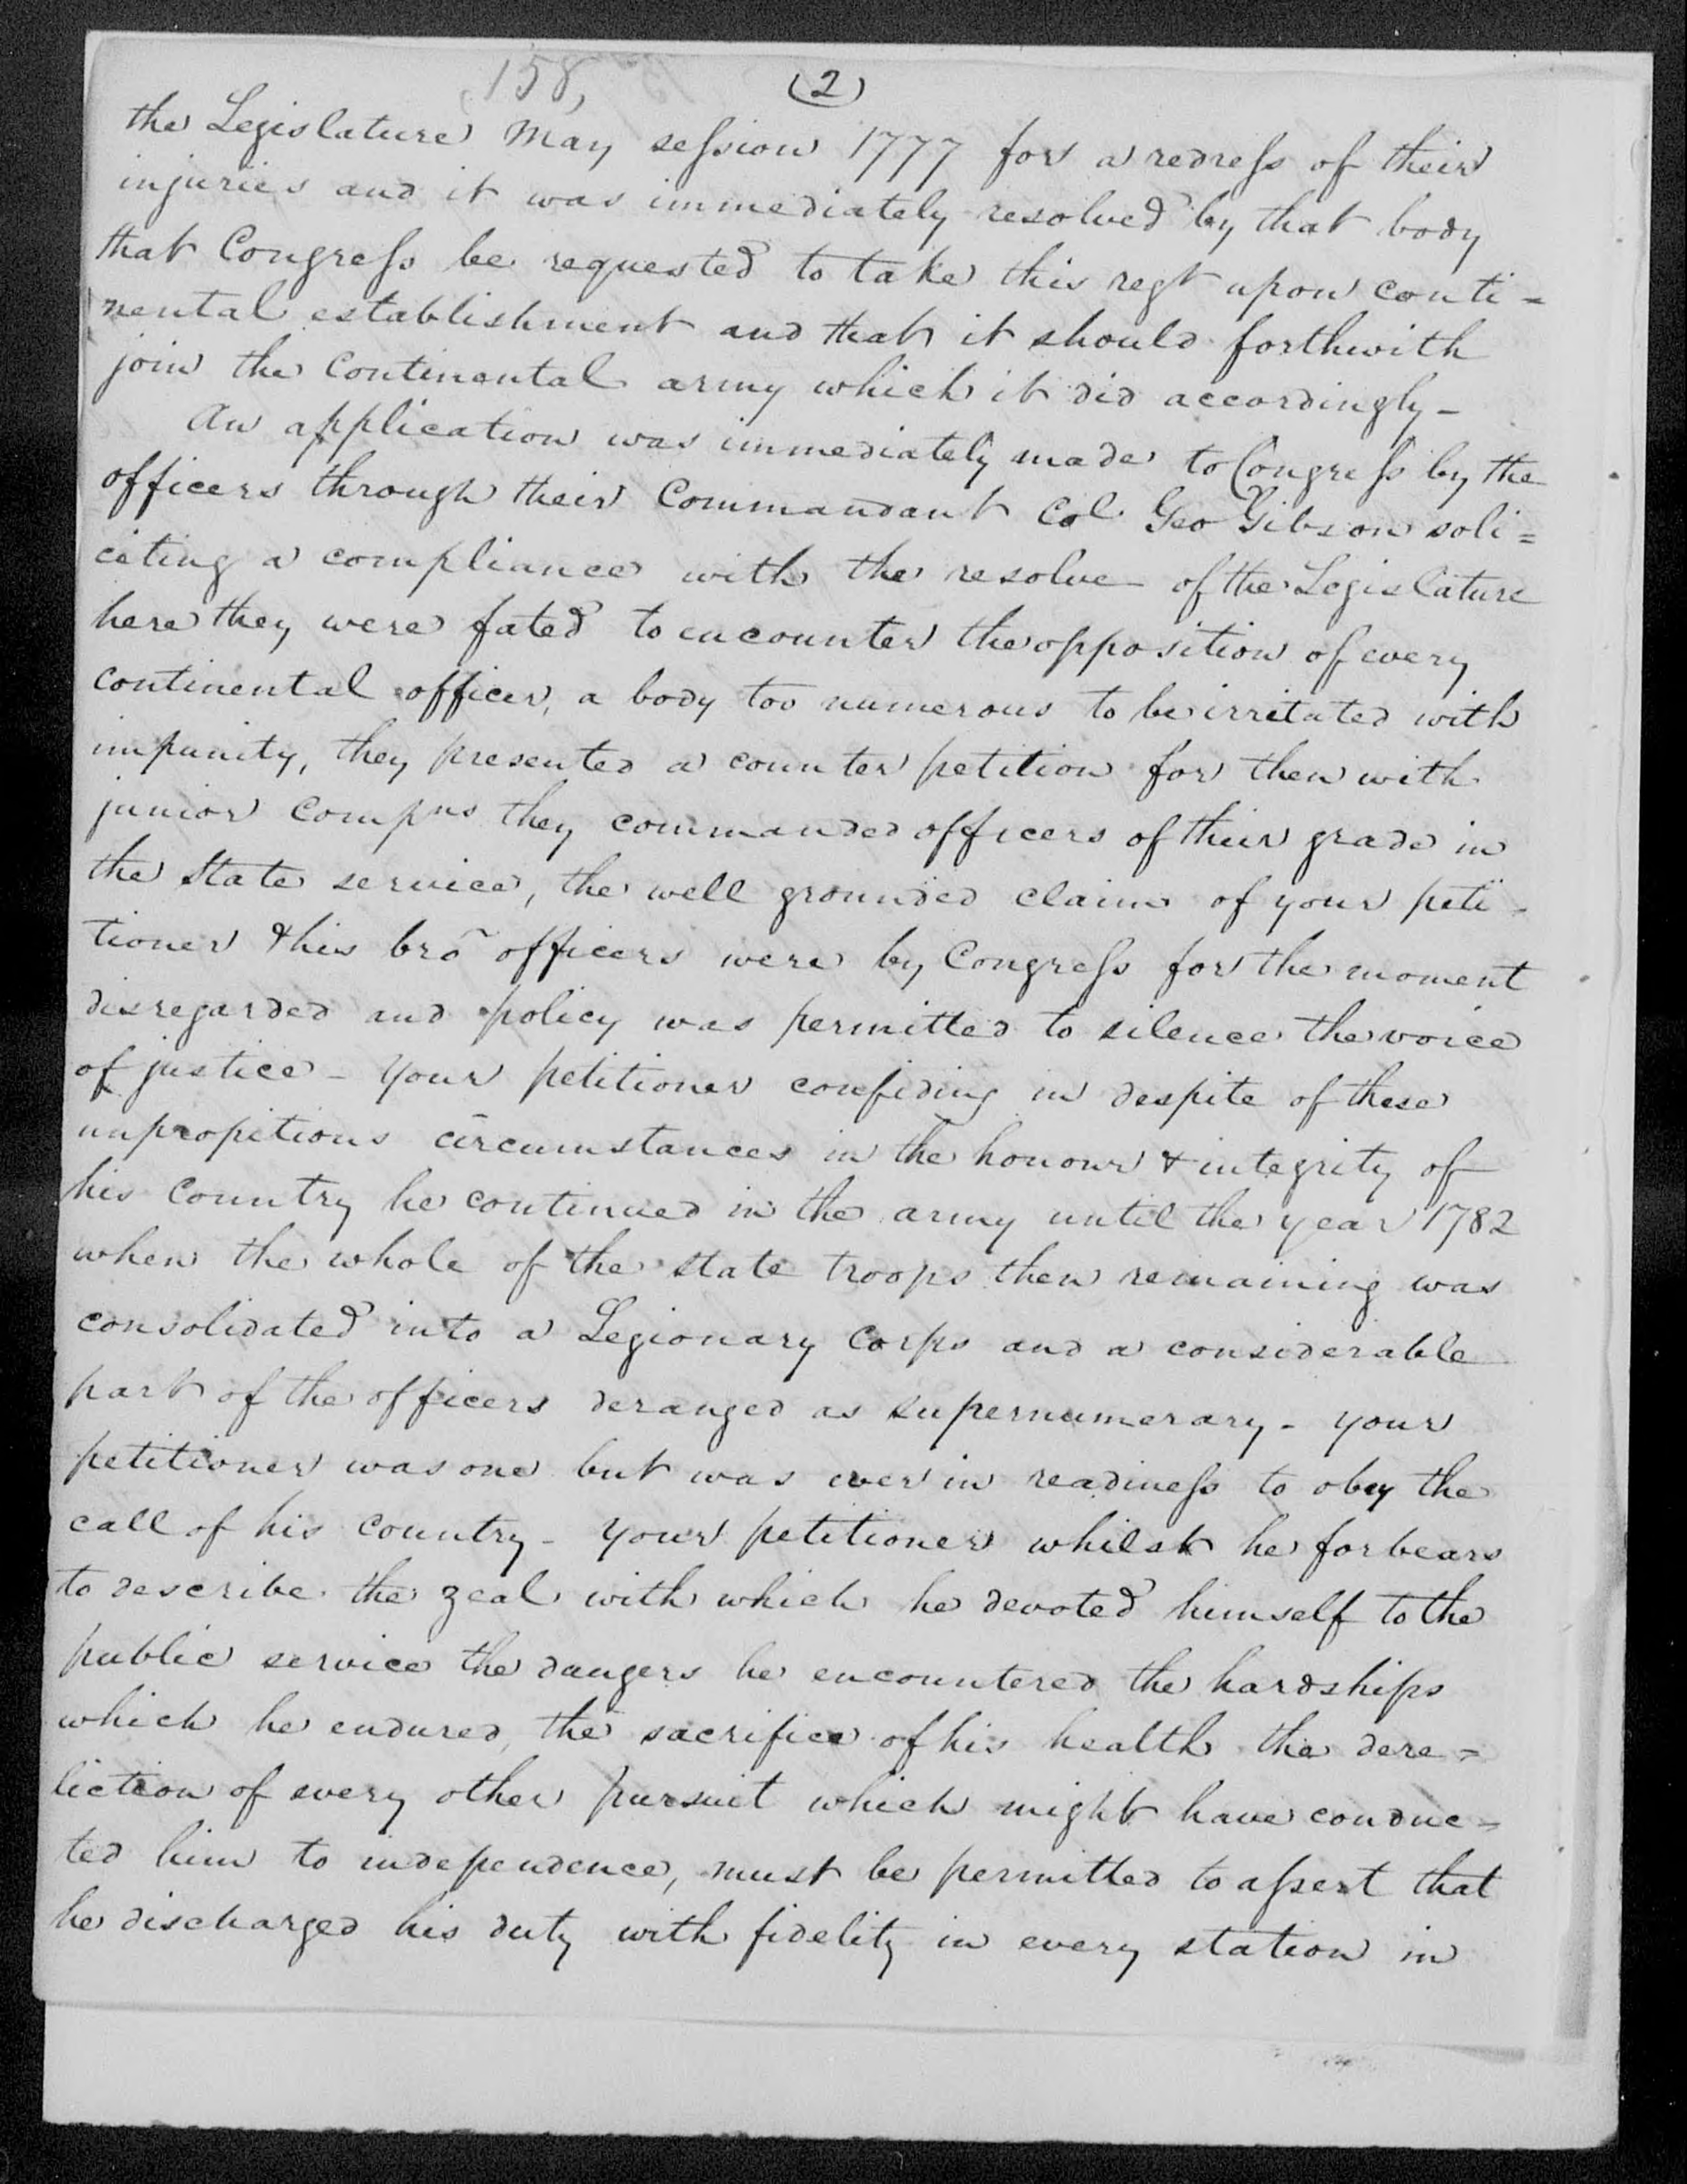(158).  (2)
the Legislature May session 1777 for a redress of their injuries and it was immediately resolved by that body that Congress be requested to take this regt upon continental establishment and that it should forthwith join the Continental army which it did accordingly -  An application was immediately made to Congress by the officers through their Commandant  Col Geo Gibs on soliciting a compliance with the resolve of the Legislature here they were fated to encounter the opposition of every continental officer, a body too numerous to be irritated with impunity, they presented a counter petition for then with junior compns they commanded officers of their grade in the State services, the well grounded claim of your petitioner +[and] his bro officers were by Congress for the moment disregarded and policy was permitted to silence the voice of justice - your petitioner confiding in despite of these unpropitious circumstances in the honor +[and] integrity of his country he continued in the army until the year 1782 when the whole of the State troops then remaining was consolidated into a Legionary Corps and a considerable part of the officers deranged as supernumerary - your petitioner was one but was ever in readiness to obey the call of his country. Your petitioner whilst he forbears to describe the zeal with which he devoted himself to the public service the dangers he encountered the hardships which he endured the sacrifice of his health the dereliction of every other pursuit which might have conducted him to independence, must be permitted to assert that he discharged his duty with fidelity in every station in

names: Geo Gibson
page: 4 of 267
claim: widow's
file: W. 4,149, William Campbell, Va.